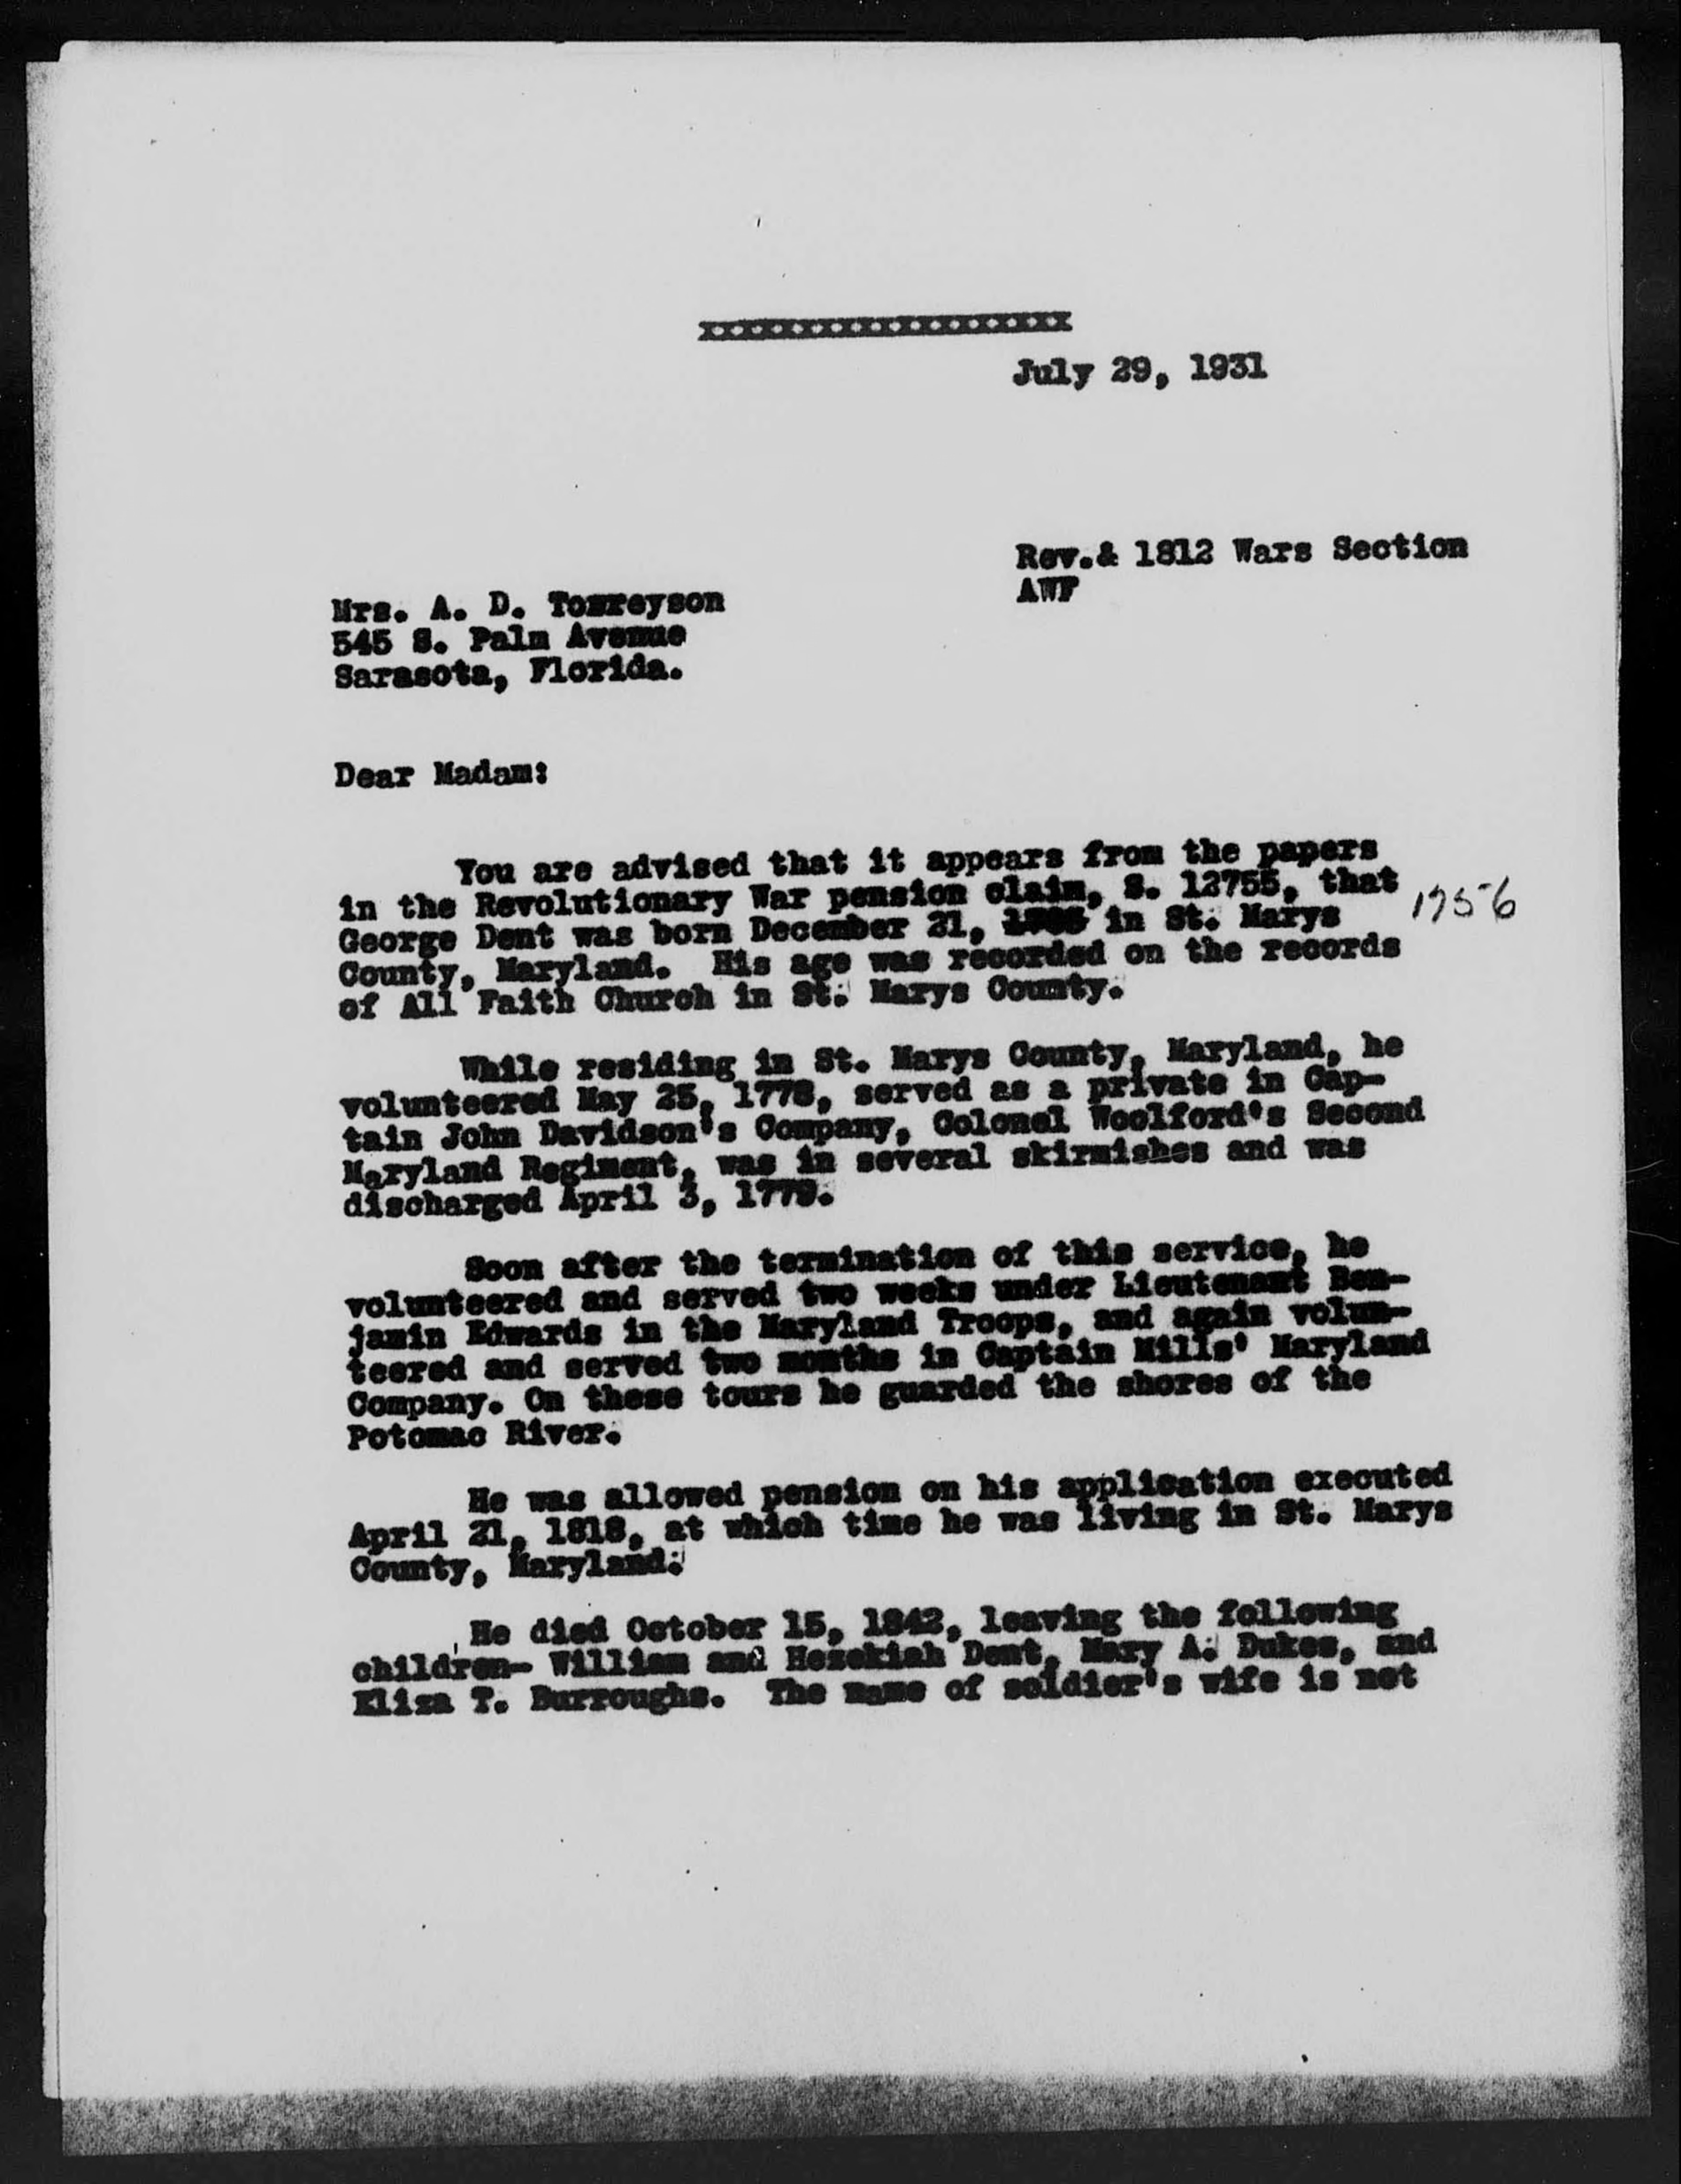[typewritten]
July 29, 1931
Rev.&1812 Wars Section AWF
Mrs. A. D. Torreyson
345 S. Palm Avenue
Sarasota, Florida.
Dear Madam:
You are advised that it appears from the papers in the Revolutionary Was pension claim, s. 12755, that George Dent was born December 21, [illegible] in St. Marys County, Maryland.  His age was recorded on the records of All Faith Church in St. Marys County. [handwritten in margins of paragraph "1756"]
While residing in St. Marys County, Maryland, he  volunteered May 25, 1778, served as a private in Captain John Davidson's Company, Colonel Woodford's Second Maryland Regiment, was in several skirmishes and was discharged April 3, 1779.

Soon after the termination of this service, he  volunteered and served two weeks under Lieutenant Benjamin Edwards in the Maryland Troops, and again volunteered and served two months in Captain Mills' Maryland Company.  On these tours he guarded the shores of the Potomac River.

He was allowed pension on his application executed April 21, 1818, at which time he was living in St. Marys County, Maryland.

He died October 15, 1842, leaving the following children- William and Hezekiah Dent, Mary A. Dukes,  and Eliza T. Burroughs.  Then name of the soldier's wife is not[end of document]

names: A D Torreyson, Hezekiah Dent, Benjamin Edwards, Eliza T Burroughs, William Dent, George Dent, Mary A Dukes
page: 22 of 49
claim: survivor's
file: S. 12755, George Dent, Md.